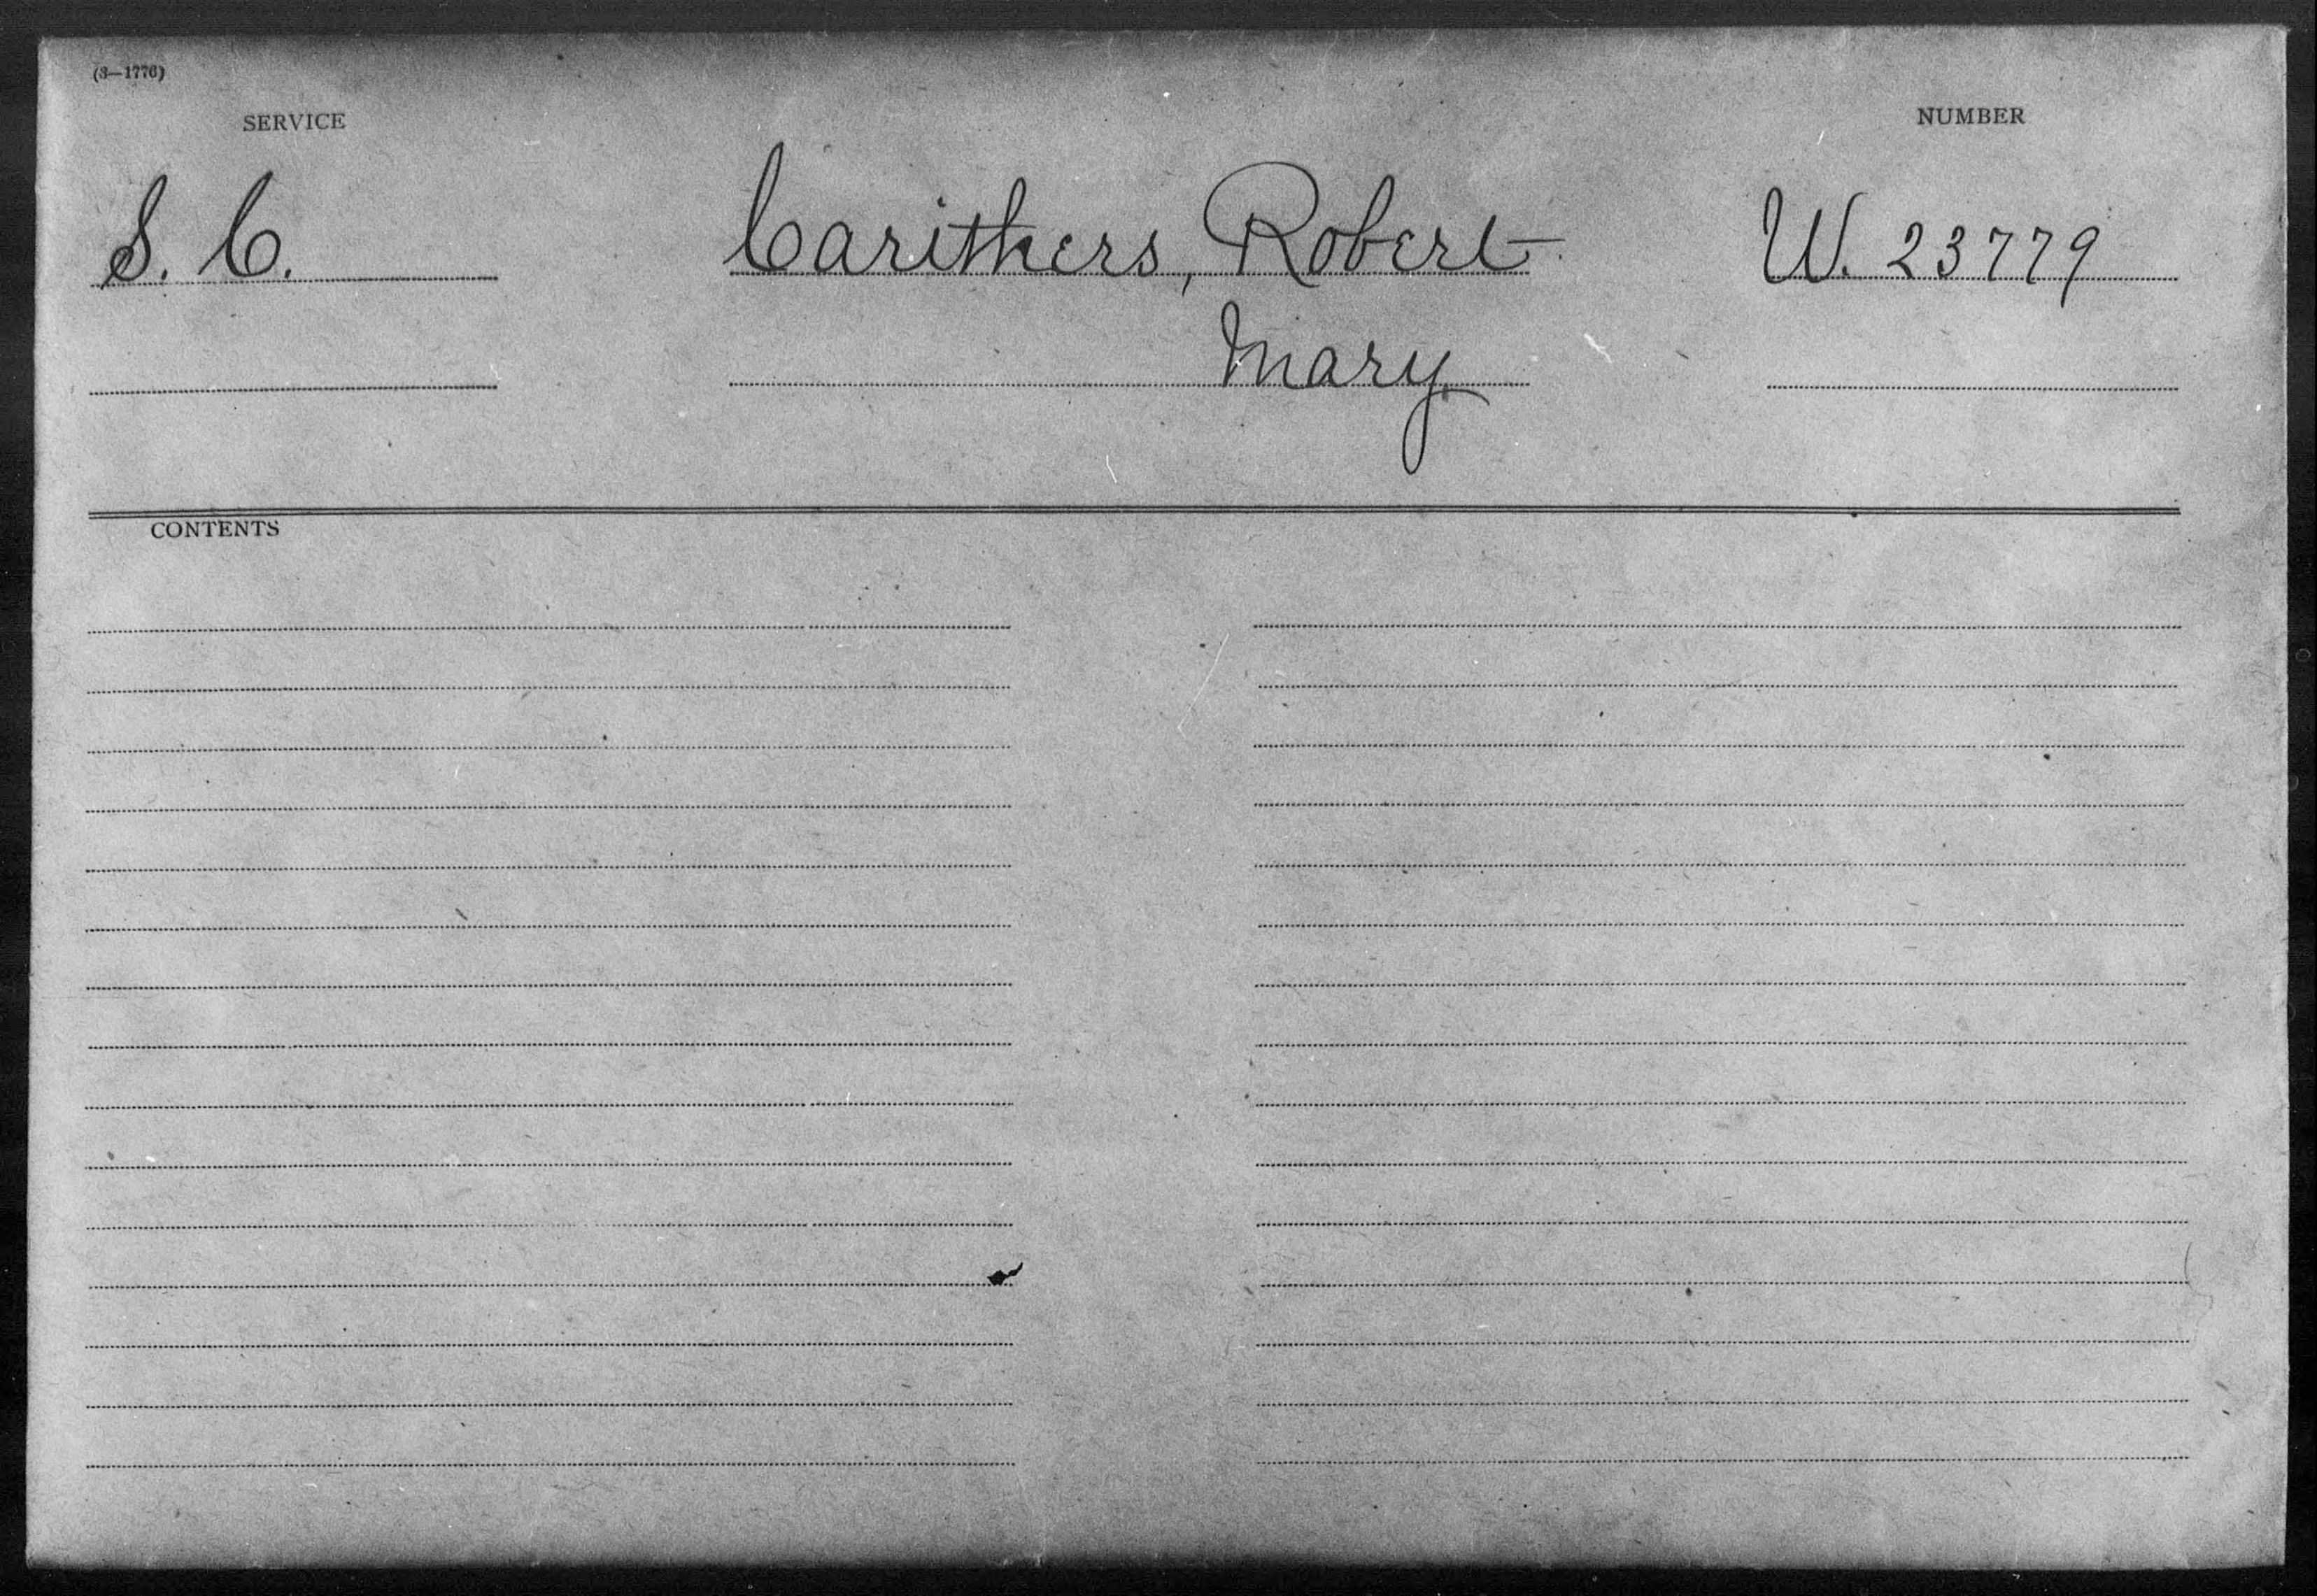(3-1776)
Service S.C.
Carithers, Robert Mary
Number W.23779
CONTENTS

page: 1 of 33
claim: widow's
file: W. 23779, Robert Carithers, S.C.